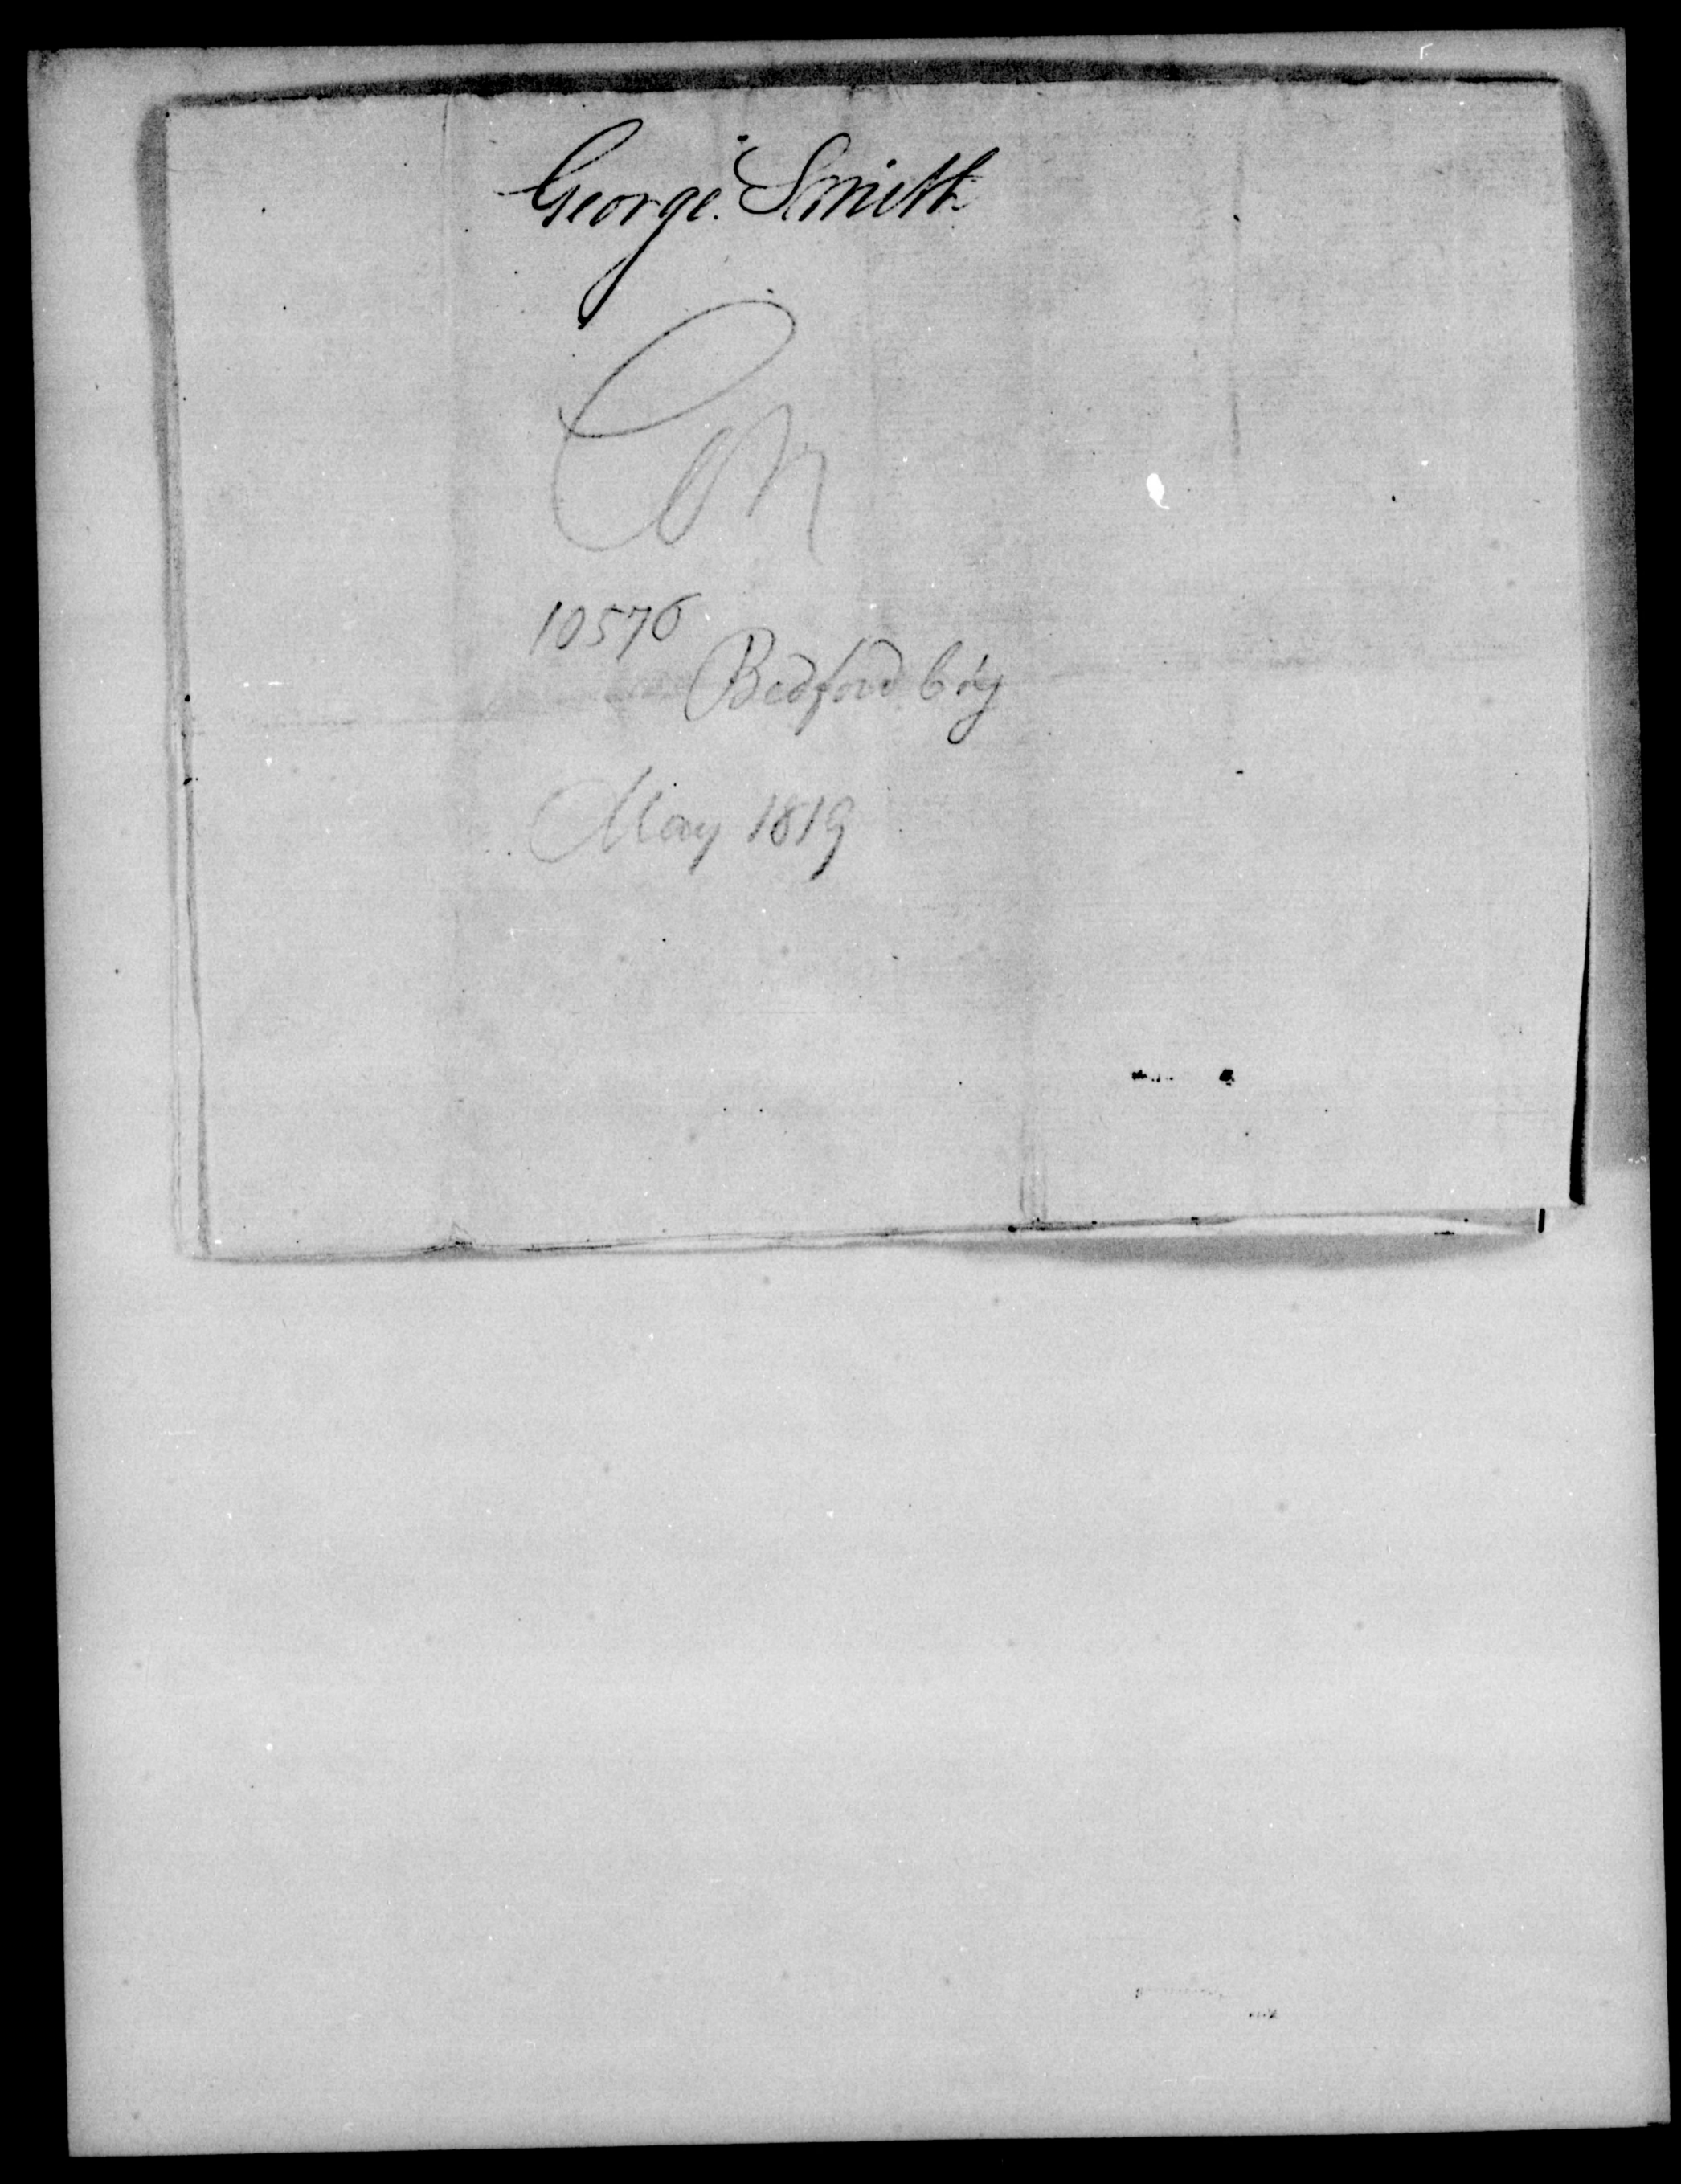George Smith
{illegible}
10576 
Bedford Cty
May 1819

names: George Smith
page: 6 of 16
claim: survivor's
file: S. 38,386, for George Smith, Virginia